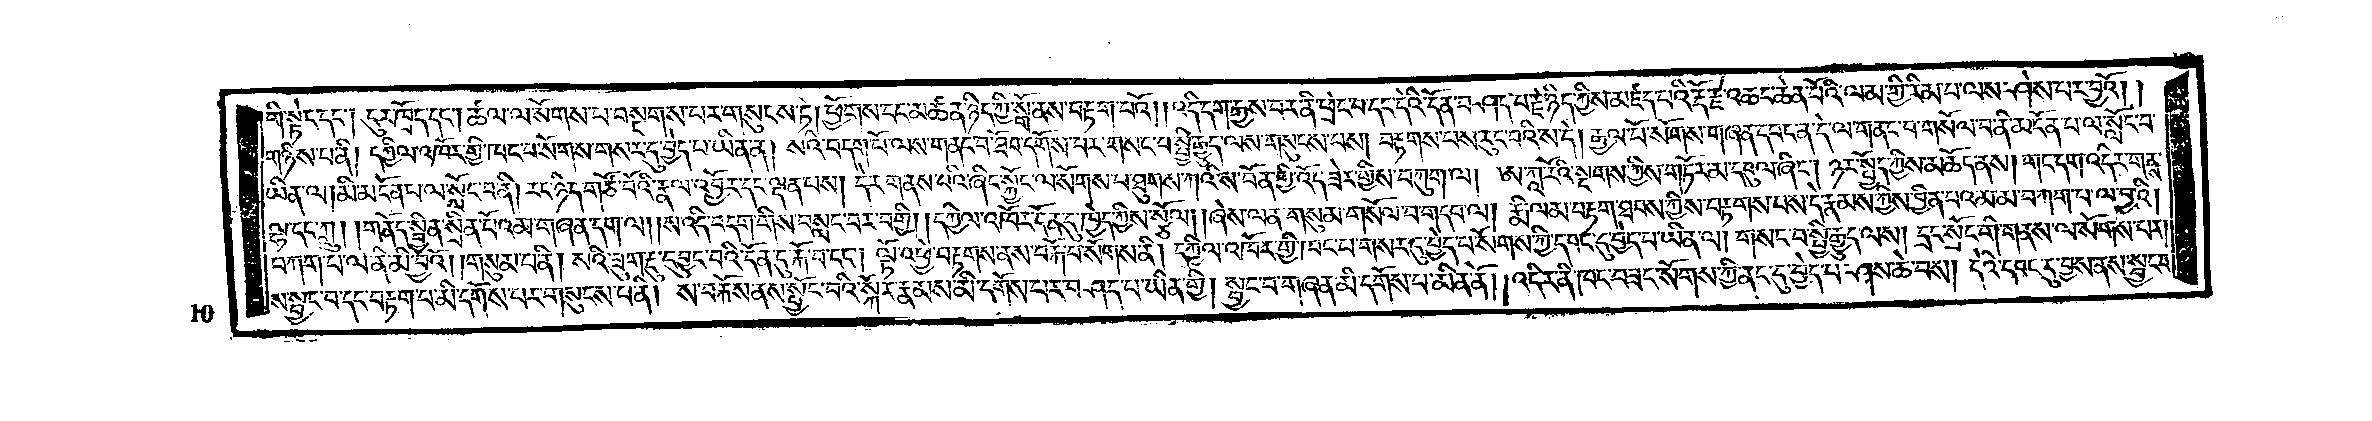གི་སྟེང་དང་། དུར་ཁྲོད་དང་། ཚལ་ལ་སོགས་པ་བསྔགས་པར་གསུངས་ཏེ། ཕྱོགས་དང་མཚན་ཉིད་ཀྱི་སྒོ་ནས་བརྟག་པའོ། །འདི་དག་རྒྱས་པར་ནི་ཕྲེང་བ་དང་དེའི་དོན་བཤད་པ་རྗེ་ཉིད་ཀྱིས་མཛད་པའི་རྡོ་རྗེ་འཆང་ཆེན་པོའི་ལམ་གྱི་རིམ་པ་ལས་ཤེས་པར་བྱའོ། །
གཉིས་པ་ནི། དཀྱིལ་འཁོར་གྱི་ཁང་པ་སོགས་གསར་དུ་བྱེད་པ་ཡིན་ན། སའི་བདག་པོ་ལས་གནང་བ་ཐོབ་དགོས་པར་གསང་བ་སྤྱི་རྒྱུད་ལས་གསུངས་པས། བརྟགས་པས་རུང་བའི་ས་དེ། རྒྱལ་པོ་སོགས་གཞན་དབང་ན་དེ་ལ་གནང་བ་གསོལ་བ་ནི་མངོན་པ་ལ་སློང་བ་
ཡིན་ལ། མི་མངོན་པ་ལ་སློང་བ་ནི། རང་ཉིད་གཙོ་བོའི་རྣལ་འབྱོར་དང་ལྡན་པས། དེར་གནས་པའི་ཞིང་སྐྱོང་ལ་སོགས་པ་ཐུགས་ཀའི་ས་བོན་གྱི་འོད་ཟེར་གྱིས་བཀུག་ལ། ཨ་ཀླ་རོའི་སྔགས་ཀྱིས་གཏོར་མ་དབུལ་ཞིང་། ཉར་སྤྱོད་ཀྱིས་མཆོད་ནས། གང་དག་འདིར་གནས་
ལྷ་དང་ཀླུ། །གནོད་སྦྱིན་སྲིན་པོའམ་གཞན་དག་ལ། །ས་འདི་བདག་གིས་བསླང་བར་བགྱི། །དཀྱིལ་འཁོར་དོན་དུ་ཁྱེད་ཀྱིས་སྩོལ། །ཞེས་ལན་གསུམ་གསོལ་བ་གདབ་ལ། རྨི་ལམ་བརྟག་ཐབས་ཀྱིས་བརྟགས་པས་དེ་རྣམས་ཀྱིས་བྱིན་པའམ་མ་བཀག་པ་ལ་བྱའི། །
བཀག་པ་ལ་ནི་མི་བྱའོ། །གསུམ་པ་ནི། སའི་ཟུག་རྔུ་དབྱུང་བའི་དོན་དུ་རྐོ་བ་དང་། ལྟོ་འཕྱེ་བརྟགས་ནས་བརྐོ་བ་སོགས་ནི། དཀྱིལ་འཁོར་གྱི་ཁང་པ་གསར་དུ་བྱེད་པ་སོགས་ཀྱི་དབང་དུ་བྱེད་པ་ཡིན་ལ། གསང་བ་སྤྱི་རྒྱུད་ལས། དྲང་སྲོང་གི་གནས་ལ་སོགས་པར།
ས་སྦྱང་བ་དང་བརྟག་པ་མི་དགོས་པར་གསུངས་པ་ནི། ས་བརྐོས་ནས་སྦྱོང་བའི་སྐོར་རྣམས་མི་དགོས་པར་བཤད་པ་ཡིན་གྱི། སྦྱང་བ་གཞན་མི་དགོས་པ་མིན་ནོ། །འདིར་ནི་ཁང་བཟང་སོགས་ཀྱི་ནང་དུ་བྱེད་པ་ཤས་ཆེ་བས། དེའི་དབང་དུ་བྱས་ནས་སྦྱང་བ་